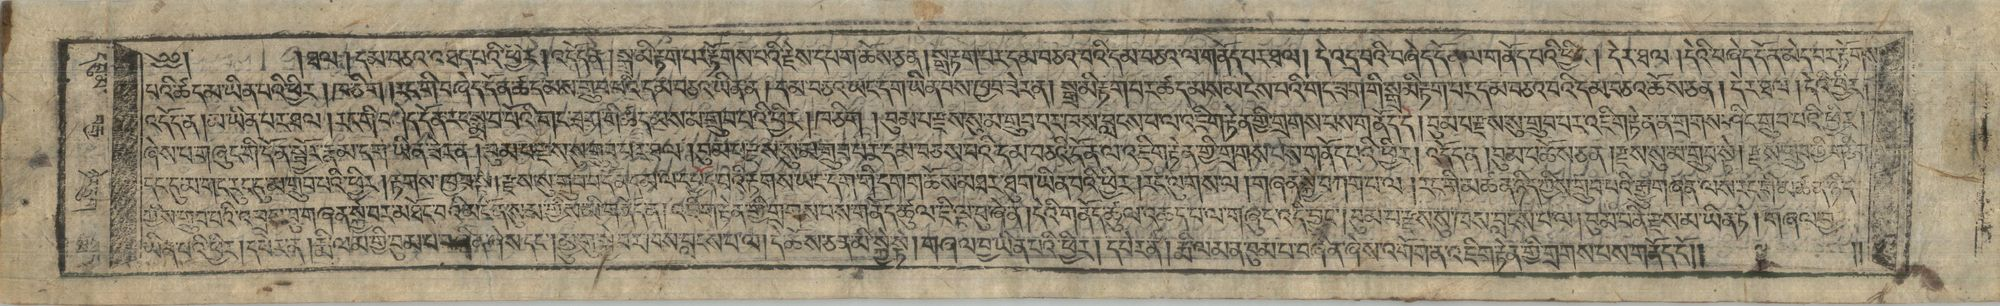༄༅། །ཐལ། དམ་བཅའ་འཐད་པའི་ཕྱིར། འདོད་ན། སྒྲ་མི་རྟག་པར་རྟོགས་པའི་རྗེས་དཔག་ཆོས་ཅན། སྒྲ་རྟག་པར་དམ་བཅའ་བའི་དམ་བཅའ་ལ་གནོད་པར་ཐལ། དེ་འདྲ་བའི་བཞེད་དོན་ལ་གནོད་པའི་ཕྱིར། དེར་ཐལ། དེའི་བཞེད་དོན་མེད་པར་རྟོགས་
པའི་ཚད་མ་ཡིན་པའི་ཕྱིར། ཁ་ཅིག ། རང་གི་བཞེད་དོན་ཚད་མས་གྲུབ་པའི་དམ་བཅའ་ཡིན་ན། དམ་བཅའ་ཡང་དག་ཡིན་པས་ཁྱབ་ཟེར་ན། སྒྲ་མི་རྟག་པར་ཚད་མས་མ་ངེས་པའི་གང་ཟག་གིས་སྒྲ་མི་རྟག་པར་དམ་བཅའ་བའི་དམ་བཅའ་ཆོས་ཅན། དེར་ཐལ། དེའི་ཕྱིར།
འདོད་ན། མ་ཡིན་པར་ཐལ། རང་གི་བཞེད་དོན་རང་སྨྲ་བ་པོའི་གང་ཟག་གིས་ཚད་མས་མ་གྲུབ་པའི་ཕྱིར། ཁ་ཅིག ། བུམ་པ་རྫས་སུ་མ་གྲུབ་པར་ཁས་བླངས་པ་ལ་འཇིག་རྟེན་གྱི་གྲགས་པས་གནོད་དེ། བུམ་པ་རྫས་སུ་གྲུབ་པར་འཇིག་རྟེན་ན་གྲགས་ཤིང་གྲུབ་པའི་ཕྱིར།
ཞེས་པ་གཞུང་གི་དོན་སྦྱོར་རྣམ་དག་ཡིན་ཟེར་ན། བུམ་པ་རྫས་སུ་གྲུབ་པར་ཐལ། བུམ་པ་རྫས་སུ་མ་གྲུབ་པར་དམ་བཅས་པའི་དམ་བཅའི་དོན་ལ་འཇིག་རྟེན་གྱི་གྲགས་པས་གནོད་པའི་ཕྱིར། འདོད་ན། བུམ་པ་ཆོས་ཅན། རྫས་སུ་མ་གྲུབ་སྟེ། རྫས་གྲུབ་ཀྱི་གཅིག་
དང་དུ་མ་གང་རུང་དུ་མ་གྲུབ་པའི་ཕྱིར། རྟགས་ཁྱབ་སྟེ། རྫས་སུ་གྲུབ་པ་དོན་དམ་ལ་དཔྱོད་པའི་རྟགས་ཡང་དག་གི་དགག་ཆོས་མཐར་ཐུག་ཡིན་པའི་ཕྱིར། རང་ལུགས་ལ། གཞན་སྐྱེ་བཀག་པ་ལ། རང་གི་མཚན་ཉིད་ཀྱིས་གྲུབ་པའི་རྒྱུ་གཞན་ལས་རང་གི་མཚན་ཉིད་
ཀྱིས་གྲུབ་པའི་འབྲས་བུ་གཞན་སྐྱེ་བར་མཐོང་བའི་མངོན་སུམ་གྱིས་མི་གནོད་ན། འཇིག་རྟེན་གྱི་གྲགས་པས་གནོད་ཚུལ་ཇི་ལྟ་བུ་ཞེ་ན། དེའི་གནོད་ཚུལ་འཆད་པ་ལ་གཞུང་འདི་བྱུང་། བུམ་པ་རྫས་སུ་ཁས་བླངས་པ་ལ། བུམ་པ་ནི་རྫས་མ་ཡིན་ཏེ། གཞལ་བྱ་
ཡིན་པའི་ཕྱིར། དཔེར་ན། རྨི་ལམ་གྱི་བུམ་པ་བཞིན་ཞེས་དང་། མྱུ་གུ་སྐྱེ་བར་ཁས་བླངས་པ་ལ། དེ་ཆོས་ཅན་མི་སྐྱེ་སྟེ། གཞལ་བྱ་ཡིན་པའི་ཕྱིར། དཔེར་ན། རྨི་ལམ་ན་བུམ་པ་བཞིན་ཞེས་འགོག་?་ན་འཇིག་རྟེན་གྱི་གྲགས་པས་གནོད་དོ།། ༈ །།